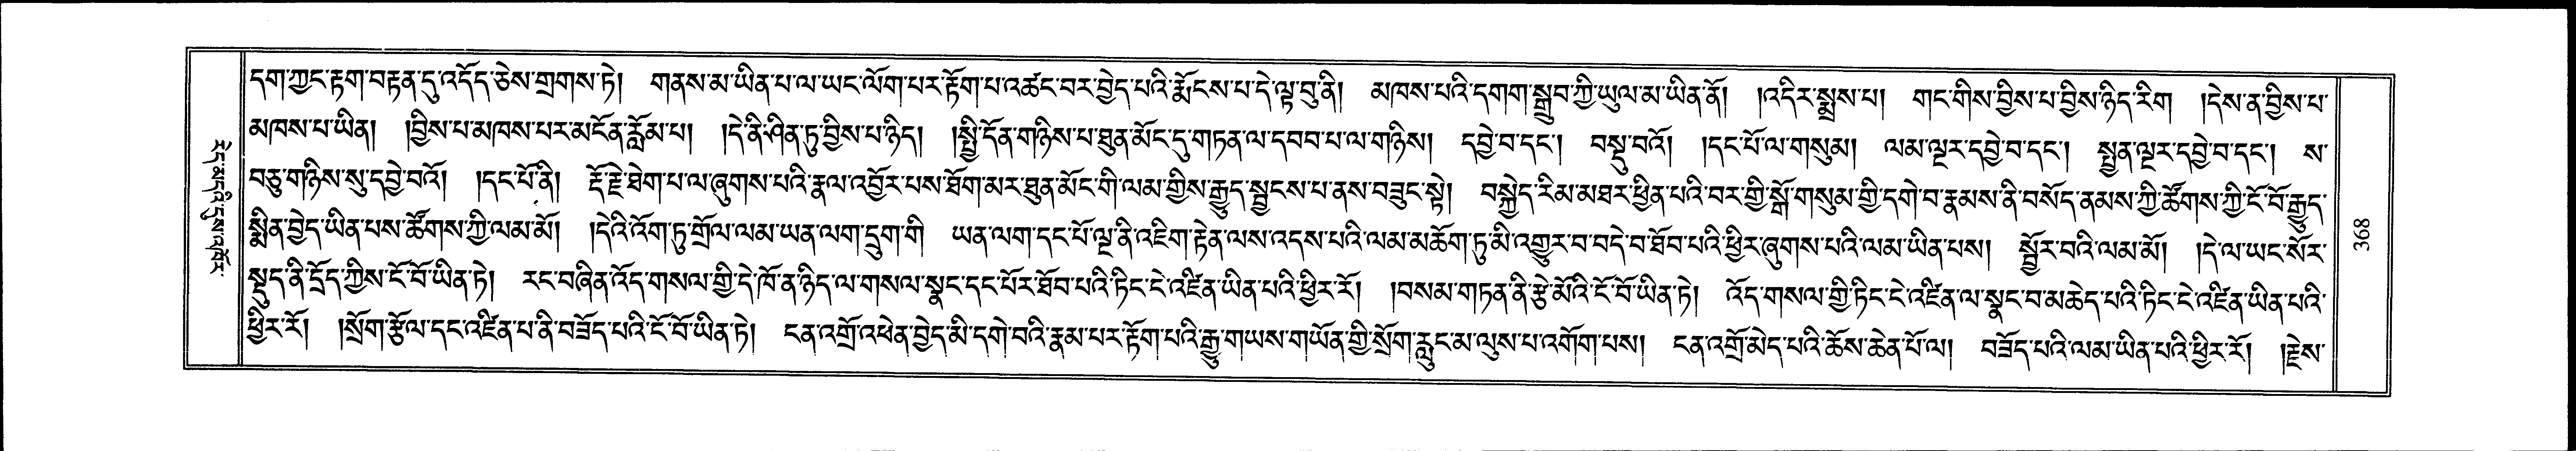དག་ཀྱང་རྟག་བརྟན་དུ་འདོད་ཅེས་གྲགས་ཏེ། གནས་མ་ཡིན་པ་ལ་ཡང་ལོག་པར་རྟོག་པ་འཚང་བར་བྱེད་པའི་རྨོངས་པ་དེ་ལྟ་བུ་ནི། མཁས་པའི་དགག་སྒྲུབ་ཀྱི་ཡུལ་མ་ཡིན་ནོ། །འདིར་སྨྲས་པ། གང་གིས་བྱིས་པ་ཉིད་རིག །དེས་ན་བྱིས་པ་
མཁས་པ་ཡིན། །བྱིས་པ་མཁས་པར་མངོན་རློམ་པ། །དེ་ནི་ཤིན་ཏུ་བྱིས་པ་ཉིད། །སྤྱི་དོན་གཉིས་པ་ཐུན་མོང་དུ་གཏན་ལ་དབབ་པ་ལ་གཉིས། དབྱེ་བ་དང་། བསྡུ་བའོ། །དང་པོ་ལ་གསུམ། ལམ་སྔར་དབྱེ་བ་དང་། སྤྱན་ལྔར་དབྱེ་བ་དང་། ས་
བཅུ་གཉིས་སུ་དབྱེ་བའོ། །དང་པོ་ནི། རྡོ་རྗེ་ཐེག་པ་ལ་ཞུགས་པའི་རྣལ་འབྱོར་པས་ཐོག་མར་ཐུན་མོང་གི་ལམ་གྱིས་རྒྱུད་སྦྱངས་པ་ནས་བཟུང་སྟེ། བསྐྱེད་རིམ་མཐར་ཕྱིན་པའི་བར་གྱི་སྒོ་གསུམ་གྱི་དགེ་བ་རྣམས་ནི་བསོད་ནམས་ཀྱི་ཚོགས་ཀྱི་ངོ་བོ་རྒྱུད་
སྨིན་བྱེད་ཡིན་པས་ཚོགས་ཀྱི་ལམ་མོ། །དེའི་འོག་ཏུ་གྲོལ་ལམ་ཡན་ལག་དྲུག་གི །ཡན་ལག་དང་པོ་ལྔ་ནི་འཇིག་རྟེན་ལས་འདས་པའི་ལམ་མཆོག་ཏུ་མི་འགྱུར་བ་བདེ་བ་ཐོབ་པའི་ཕྱིར་ཞུགས་པའི་ལམ་ཡིན་པས། སྦྱོར་བའི་ལམ་མོ། །དེ་ལ་ཡང་སོར་
སྡུད་ནི་དྲོད་ཀྱིས་ངོ་བོ་ཡིན་ཏེ། རང་བཞིན་འོད་གསལ་གྱི་དེ་ཁོ་ན་ཉིད་ལ་གསལ་སྣང་དང་པོར་ཐོབ་པའི་ཏིང་ངེ་འཛིན་ཡིན་པའི་ཕྱིར་རོ། །བསམ་གཏན་ནི་རྩེ་མོའི་ངོ་བོ་ཡིན་ཏེ། འོད་གསལ་གྱི་ཏིང་ངེ་འཛིན་ལ་སྣང་བ་མཆེད་པའི་ཏིང་ངེ་འཛིན་ཡིན་པའི་
ཕྱིར་རོ། །སྲོག་རྩོལ་དང་འཛིན་པ་ནི་བཟོད་པའི་ངོ་བོ་ཡིན་ཏེ། ངན་འགྲོ་འཕེན་བྱེད་མི་དགེ་བའི་རྣམ་པར་རྟོག་པའི་རྒྱུ་གཡས་གཡོན་གྱི་སྲོག་རླུང་མ་ལུས་པ་འགོག་པས། ངན་འགྲོ་མེད་པའི་ཆོས་ཆེན་པོ་ལ། བཟོད་པའི་ལམ་ཡིན་པའི་ཕྱིར་རོ། །རྗེས་